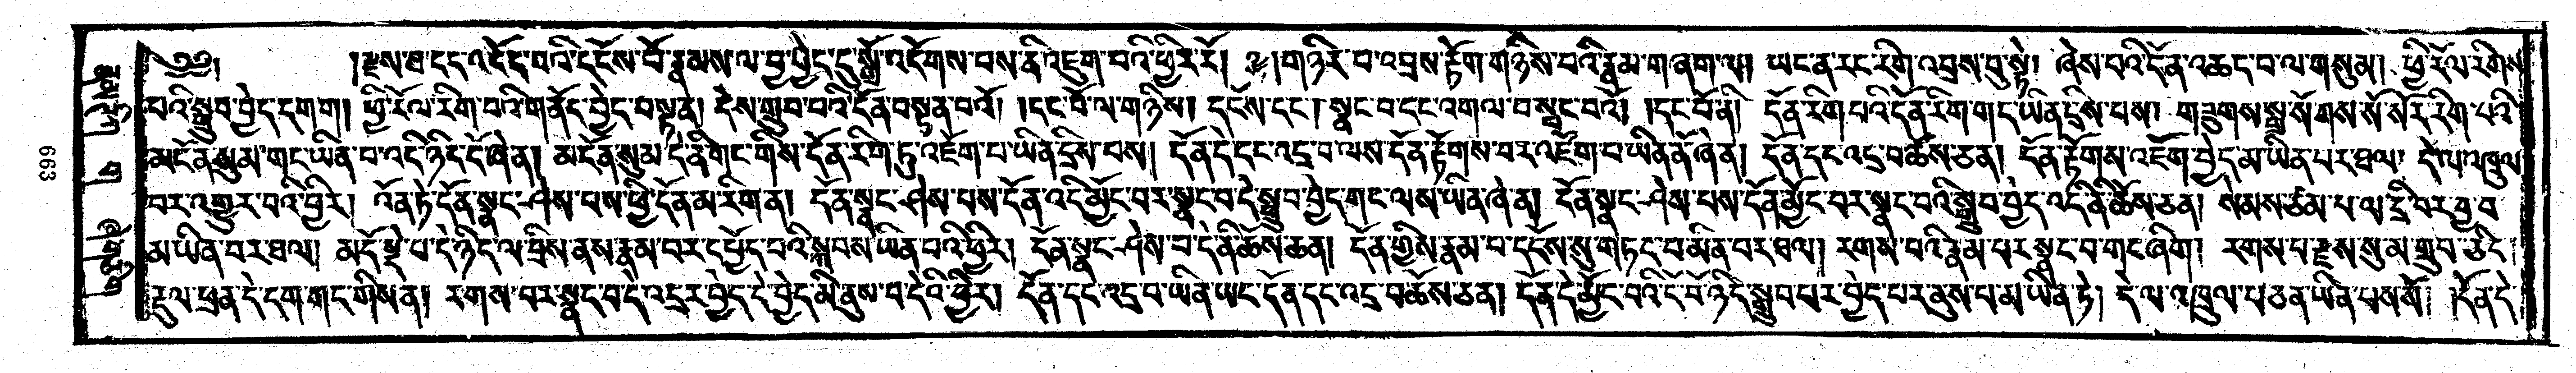༄༅། །རྫས་ཐ་དད་འདོད་པའི་དངོས་བོ་རྣམས་ལ་བྱ་བྱེད་དུ་སྒྲོ་འདོགས་པས་ནི་འཇུག་པའི་ཕྱིར་རོ། ༈ །གཉིས་པ་འབྲས་རྟོག་གཉིས་པའི་རྣམ་གཞག་ལ། ཡང་ན་རང་རིག་འབྲས་བུ་སྟེ། ཞེས་པའི་དོན་འཆད་པ་ལ་གསུམ། ཕྱི་རོལ་རིགས་
བའི་སྒྲུབ་བྱེད་དགག། ཕྱི་རོལ་རིག་པའི་གནོད་བྱེད་བསྟན། དེས་གྲུབ་པའི་དོན་བསྟན་པའོ། །དང་པོ་ལ་གཉིས། དངོས་དང་། སྣང་བ་དང་འགལ་བ་སྦང་བའོ། །དང་པོ་ནི། དོན་རིག་པའི་དོན་རིག་གང་ཡིན་པ་དྲིས་པས། གཟུགས་སྒྲ་སོགས་སོ་སོར་རིག་པའི་
མངོན་སུམ་གང་ཡིན་པ་འདི་ཉིད་ངོ་ཞེ་ན། མངོན་སུམ་དེ་ནི་གང་གིས་དོན་རིག་ཏུ་འཇོག་པ་ཡིན་དྲིས་པས། དོན་དེ་དང་འདྲ་བ་ལས་དོན་རྟོགས་པར་འཛོག་པ་ཡིན་ནོ་ཞེ་ན། དོན་དང་འདྲ་བ་ཆོས་ཅན། དོན་རྟོགས་འཇོག་བྱེད་མ་ཡིན་པར་ཐལ། དེ་ལ་འཁྲུལ་
བར་འགྱུར་བའི་བྱིར། འོ་ན་ཏེ་དོན་སྣང་ཤེས་པས་ཕྱི་དོན་མ་རིག་ན། དོན་སྣང་ཤེས་པས་དོན་འདི་མྱོང་བར་སྣང་བ་དེ་སྒྲུབ་བྱེད་གང་ལས་ཡིན་ཞེ་ན། དོན་སྣང་ཤེས་པས་དོན་མྱོང་བར་སྣང་བའི་སྒྲུབ་བྱེད་འདི་ནི་ཆོས་ཅན། སེམས་ཙམ་པ་ལ་དྲི་བར་བྱ་བ་
མ་ཡིན་པར་ཐལ། མདོ་སྡེ་བ་དེ་ཉིད་ལ་བྲིས་ནས་རྣམ་པར་དཔྱོད་པའི་སྐབས་ཡིན་པའི་ཕྱིར། དོན་སྣང་ཤེས་པ་དེ་ནི་ཆོས་ཅན། དོན་གྱིས་རྣམ་པ་དངོས་སུ་གཏད་པ་མིན་པར་ཐལ། རགས་བའི་རྣམ་པར་སྣང་བ་གང་ཞིག། རགས་པ་རྫས་སུ་མ་གྲུབ་ཅིང་།
རྡུ་ཕྲན་དེ་དག་གང་གིས་ན། རགས་པར་སྣང་བ་དེ་འདྲར་བྱེད་དེ་བྱེད་མི་ནུས་པ་དེའི་ཕྱིར། དོན་དང་འདྲ་བ་ཡིན་ཡང་དོན་དང་འདྲ་བ་ཆོས་ཅན། དོན་དེ་མྱོང་བའི་ངོ་བོ་ཉིད་སྒྲུབ་པར་བྱེད་པར་ནུས་པ་མ་ཡིན་ཏེ། དེ་ལ་འཁྲུལ་པ་ཅན་ཡིན་པས་སོ། །དོན་དེ་